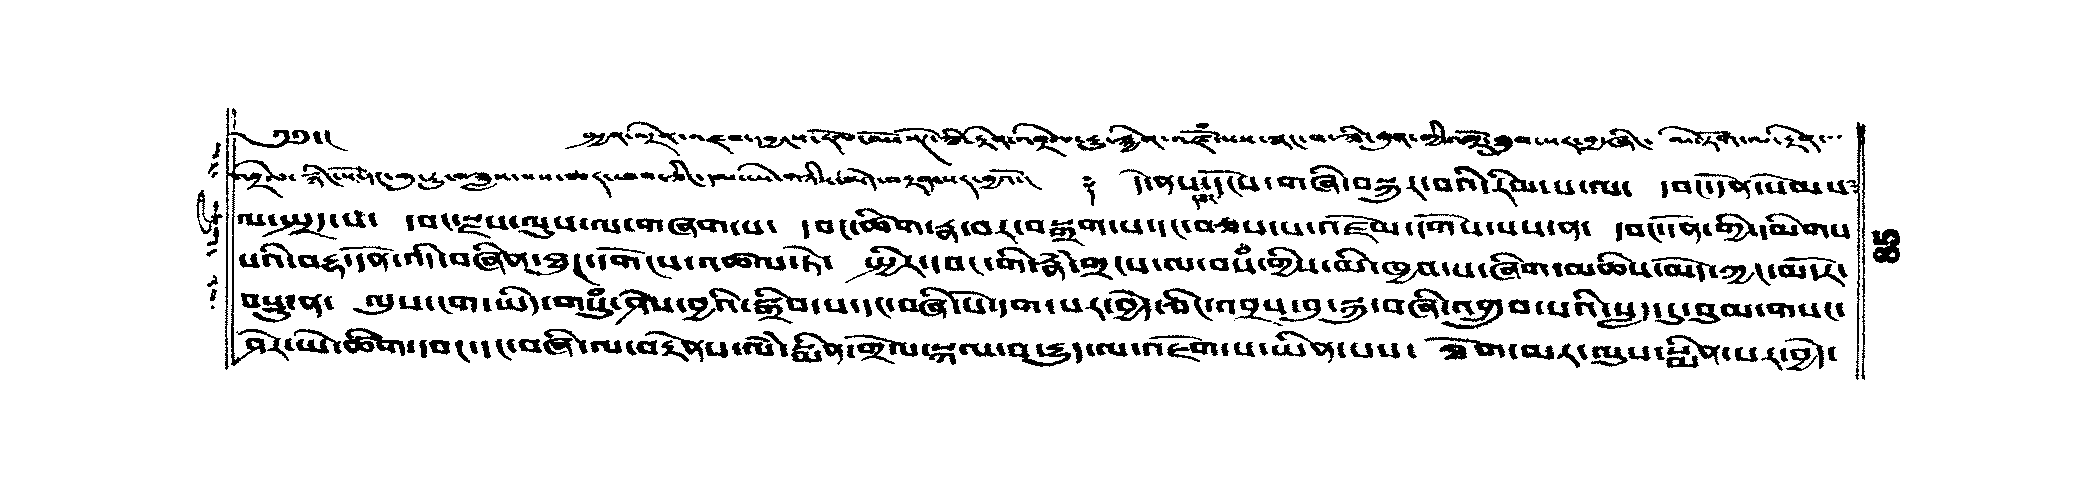སྤྱན་འདྲེན་འཛབ་དབྱངས་རོལ་མོ་སོགས་ཀྱི་རྟེན་འབྲེལ་རྒྱུ་རྐྱེན་འཛོམས་པས་སྣང་བ་ཟི་བུན་གྱི་འགྲོ་ཐུབ་པར་བྱ་ཞིང་། མེ་ཏོག་ལ་རྟེན་
འབྲེལ་སྙིང་པོ་གུ་རུ་བཟླས་པས་ཆར་བ་ཕབ་ཅིང་དམ་ཡེ་གཉིས་མེད་བརྟན་པར་བྱའོ། ༈ དེ་ནས་དབང་དངོས་གཞི་བསྐུར་བའི་རིམ་པ་ལ། དབང་དོན་སེམས་
ལ་སྤྲད་པ། དབང་རྫས་ལུས་ལ་བཞག་པ། དབང་ཚིག་རྣ་བར་གྲགས་པ་དང་བཅས་པ་འཛོམས་དགོས་པས་ན། དབང་དོན་གྱི་དམིགས་
པའི་བརྡ་དོན་འདི་བཞིན་ཐུགས་དགོངས་འཚལ་ཏེ། སྤྱིར་དབང་གི་རྣམ་གྲངས་ལ་བསམ་གྱིས་མི་ཁྱབ་པ་ཞིག་མཆིས་མོད་ཀྱང་མདོར་
བསྡུ་ན། ལུས་ངག་ཡིད་གསུམ་ཤེས་བྱའི་སྒྲིབ་པ་དང་བཞི་པོ་དག་པར་བྱེད་ཅིང་འབྲས་བུ་སྐུ་བཞི་འགྲུབ་པའི་སླད་དུ་བུམ་གསང་
ཤེར་ཡེ་ཚིག་དབང་དང་བཞི་ལ་བརྟེན་ནས་ལམ་སྨིན་གྲོལ་སྐལ་བ་རྒྱུད་ལ་འཇོག་པ་ཡིན་པས། ཐོག་མར་ལུས་སྨིན་པར་བྱེད་